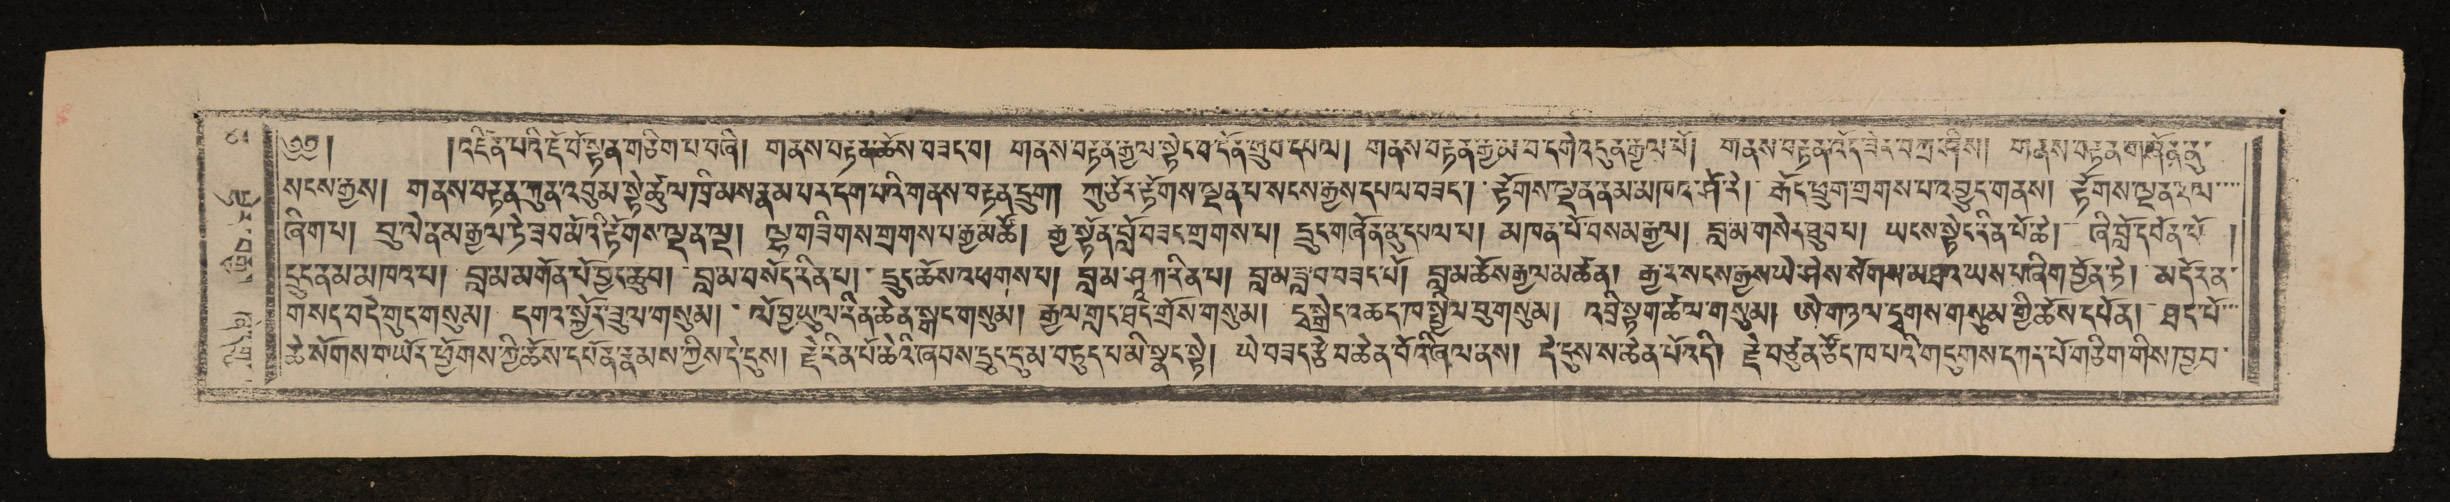༄༅། །འཛིན་པའི་ཇོ་བོ་སྟན་གཅིག་པ་བཞི། གནས་བརྟན་ཆོས་བཟང་བ། གནས་བརྟན་རྒྱལ་སྟེང་བ་དོན་གྲུབ་དཔལ། གནས་བརྟན་རྒྱ་མ་པ་དགེ་འདུན་རྒྱལ་བ། གནས་བརྟན་འོད་ཟེར་བཀྲ་ཤིས། གནས་བརྟན་གཞོན་ནུ་
སངས་རྒྱས། གནས་བརྟན་ཀུན་འབུམ་སྟེ་ཚུལ་ཁྲིམས་རྣམ་པར་དག་པའི་གནས་བརྟན་དྲུག། ཀུ་ཅོར་རྟོགས་ལྡན་པ་སངས་རྒྱས་དཔལ་བཟང་། རྟོགས་ལྡན་ནམ་མཁའ་ཤོ་རེ། རྒོད་ཕྲུག་གྲགས་པ་འབྱུང་གནས། རྟོགས་ལྡན་རོལ་
ཞིག་པ། བུ་ལེན་མ་རྒྱལ་ཏེ་ཟབ་མོའི་རྟོགས་ལྡན་ལྔ། ལྷ་གཟིགས་གྲགས་པ་རྒྱ་མཚོ། རྒྱ་སྟོན་བློ་བཟང་གྲགས་པ། དྲུང་གཞོན་ནུ་དཔལ་བ། མཁན་པོ་བསམ་རྒྱལ། བླ་མ་གསེར་ཐུབ་པ། ཡངས་སྟེང་རིན་པོ་ཆེ། ཞི་བློ་དཔོན་པོ།
དྲུང་ནམ་མཁའ་པ། བླ་མ་མགོན་པོ་བྱང་ཆུབ། བླ་མ་བསོད་རིན་པ། དྲུང་ཆོས་འཕགས་པ། བླ་མ་ཤཱཀ་རིན་པ། བླ་མ་ཟླ་བ་བཟང་པོ། བླ་མ་ཆོས་རྒྱལ་མཚན། རྒྱར་སངས་རྒྱས་ཡེ་ཤེས་སོགས་མཐའ་ཡས་པ་ཞིག་བྱོན་ཏེ། མདོར་ན་
གསང་བདེ་གུང་གསུམ། དགའ་སྐྱོར་ཟུལ་གསུམ། ལོ་བྱ་ཡུལ་རིན་ཆེན་སྒང་གསུམ། རྒྱལ་གླང་ཐང་གྲོས་གསུམ། རྭ་སྒྲེང་འཆད་ཁ་སྤྱིལ་བུ་གསུམ། འབྲི་སྟག་ཚལ་གསུམ། ཨེ་གཉལ་དྭགས་གསུམ་གྱི་ཆོས་དཔོན། ཐང་པོ་
ཆེ་སོགས་གཡོར་ཕྱོགས་ཀྱི་ཆོས་དཔོན་རྣམས་ཀྱིས་དེ་དུས། རྗེ་རིན་པོ་ཆེའི་ཞབས་དྲུང་དུ་མ་བཏུད་པ་མི་སྣང་སྟེ། ཡེ་བཟང་རྩེ་བ་ཆེན་པོའི་ཞལ་ནས། དེ་དུས་ས་ཆེན་པོ་འདི། རྗེ་བཙུན་ཙོང་ཁ་པའི་གདུགས་དཀར་པོ་གཅིག་གིས་ཁྱབ་